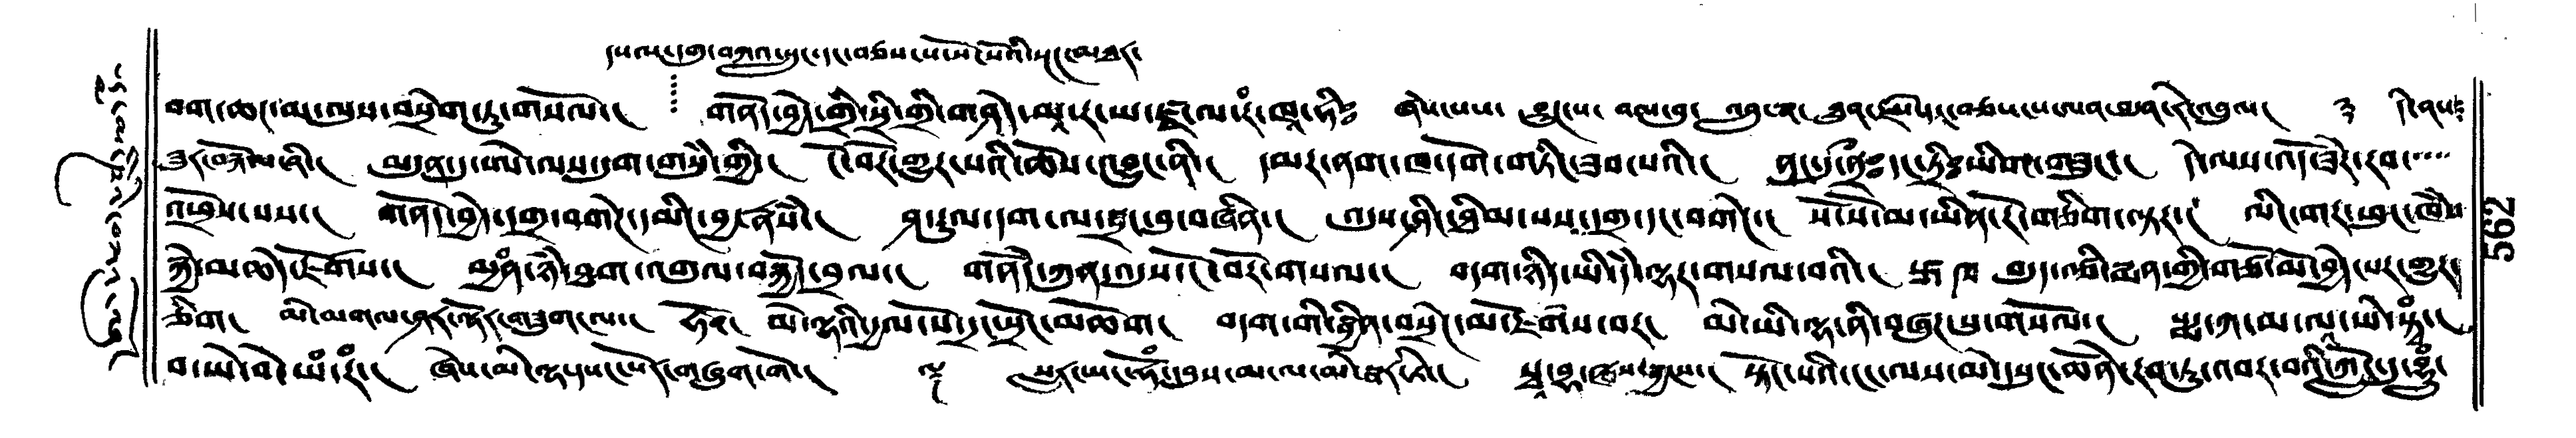བག་ཆགས་མ་ལུས་བསྲེག་ཏུ་གསོལ། དཔལ་དགུ་བཀའ་སྲུང་དང་བཅས་པ་སོ་སོའི་སྔགས་མཐར། གནོད་བྱེད་གྲི་སྲི་གྲི་གཤེད་མ་རཱ་ཡ་ཛྭ་ལ་རཾ་ཁཱ་ཧིཿ ཞེས་པས། ཤུག་པ། བལ་བུ། འབྲུ་སྣ། ཐུན་རྫས་དང་བཅས་པ་ལན་འདུན་རེ་འབུལ། དེ་ནས་
ཟུར་བསྐོལ་ནི། མདུན་དུ་ཨེ་ལས་དུག་གསུམ་གྱི། །ངོ་བོར་གྱུར་པའི་ཆོས་འབྱུང་ནི། །དམར་ནག་ཁ་དོག་གཏིང་ཟབ་པའི། །ནང་དུ་ནྲྀཿདང་ཏྲིཿཡིག་གཟུགས། །དེ་ལས་འོད་ཟེར་རབ་
འཕྲོས་པས། །གནོད་བྱེད་དགྲ་བགེགས་དམིགས་བྱ་རྣམས། །ཤ་རུལ་དག་ལ་སྦྲང་བུ་བཞིན། །འདུས་ཤིང་ཐིམ་པས་དགྲ་དང་བགེགས། །སོ་སོ་མ་ཡིན་རོ་གཅིག་ལྟར། །ལིང་གར་ཕུང་ཁམས་
སྐྱེ་མཆེད་རྫོགས། །མྱ་ངན་ཉམས་ཐག་འགུལ་བསྐྱོད་བྲལ། །གནོད་བྱད་ཀུན་འདུས་ངོ་བོར་གསལ། །བདག་ཉིད་ཡི་དམ་ལྷར་གསལ་བའི། ཁ་བདུད་རྩི་སྨན་གྱི་གཙོ་མོ་བྱེད་པར་གྱུར་
ཅིག མེ་འགལ་ཤར་ལྷོར་གཟུག་ལ། ཧོཿ མེ་ལྷའི་རྒྱལ་པོ་དྲང་སྲོང་མཆོག །བདག་གི་སྦྱིན་བསྲེགས་མ་རྫོགས་བར། །མེ་ཡི་ལྷ་ནི་བཞུགས་སུ་གསོལ། པདྨ་ཀ་མ་ལཱ་ཡེ་སྟྭཾ། 
བ་ཡེ་བེ་ཡཾ་རཾ། ཞེས་མེ་ལྷ་དཔང་པོར་གཞུག་གོསླར་ཡང་ཧོམ་དབུས་མེ་ལ་མེ་སྦར་ཏེ། སྭ་བྷ་ཝས་སྦྱངས། སྟོང་པའི་ངང་ལས་མེ་དཔུང་ཆེན་པོ་རབ་ཏུ་འབར་བའི་ཀློང་དུ་བྷྲུཾ་ ༼